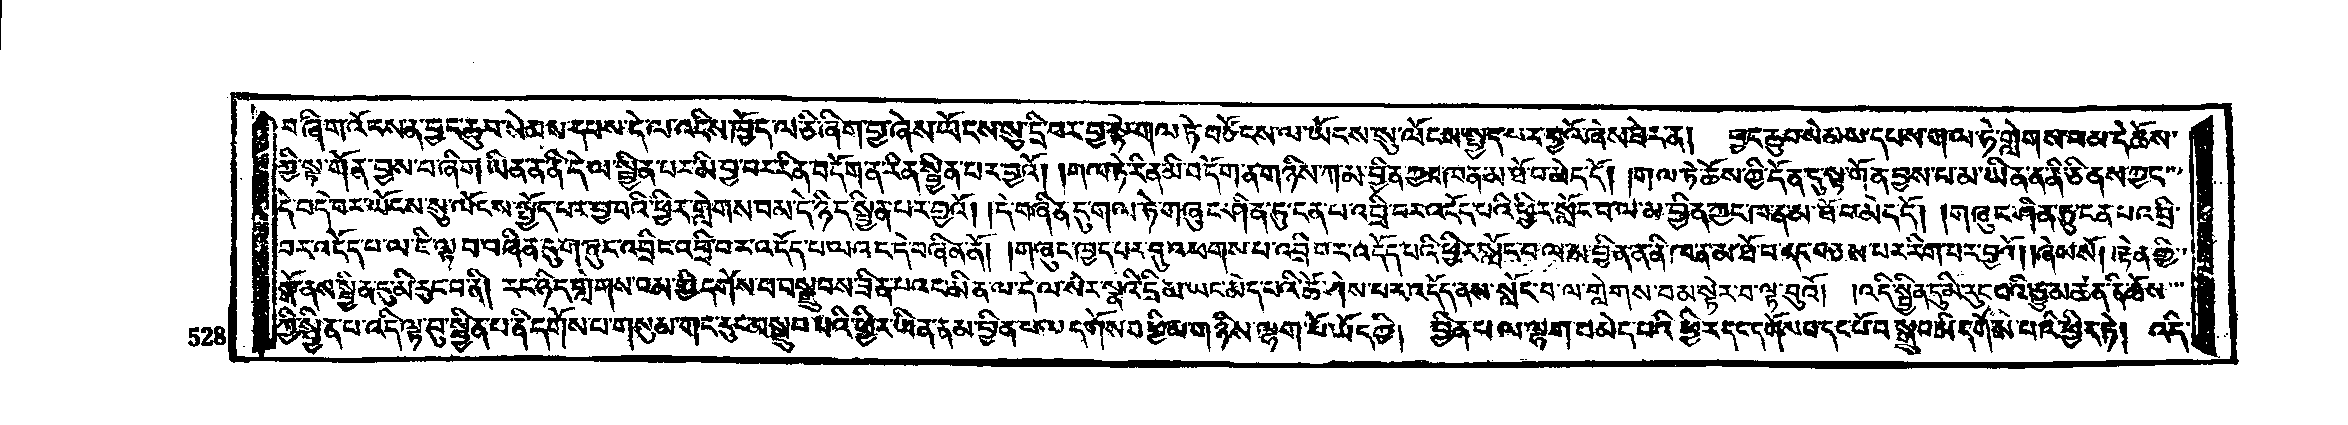བ་ཞིག་འོངས་ན་བྱང་ཆུབ་སེམས་དཔས་དེ་ལ་འདིས་ཁྱོད་ལ་ཅི་ཞིག་བྱ་ཞེས་ཡོངས་སུ་དྲི་བར་བྱ་སྟེ་གལ་ཏེ་བཙོངས་ལ་ཡོངས་སུ་ལོངས་སྤྱད་པར་བྱའོ་ཞེས་ཟེར་ན། བྱང་ཆུབ་སེམས་དཔས་གལ་ཏེ་གླེགས་བམ་དེ་ཆོས་
ཀྱི་སྟ་གོན་བྱས་པ་ཞིག་ཡིན་ན་ནི་དེ་ལ་སྦྱིན་པར་མི་བྱ་བར་རིན་བདོག་ན་རིན་སྦྱིན་པར་བྱའོ། །གལ་ཏེ་རིན་མི་བདོག་ན་གཉིས་ཀ་མ་བྱིན་ཀྱང་ཁ་ན་མ་ཐོ་བ་མེད་དོ། །གལ་ཏེ་ཆོས་ཀྱི་དོན་དུ་སྟ་གོན་བྱས་པ་མ་ཡིན་ན་ནི་ཅི་ནས་ཀྱང་
དེ་བདེ་བར་ཡོངས་སུ་ལོངས་སྤྱོད་པར་བྱ་བའི་ཕྱིར་གླེགས་བམ་དེ་ཉིད་སྦྱིན་པར་བྱའོ། །དེ་བཞིན་དུ་གལ་ཏེ་གཞུང་ཤིན་ཏུ་ངན་པ་འབྲི་བར་འདོད་པའི་ཕྱིར་སློང་བ་ལ་མ་བྱིན་ཀྱང་ཁ་ན་མ་ཐོ་བ་མེད་དོ། །གཞུང་ཤིན་ཏུ་ངན་པ་འབྲི་
བར་འདོད་པ་ལ་ཇི་ལྟ་བ་བཞིན་དུ་གཞུང་འབྲིང་འབྲི་བར་འདོད་པ་ལའང་དེ་བཞིན་ནོ། །གཞུང་ཁྱད་པར་དུ་འཕགས་པ་འབྲི་བར་འདོད་པའི་ཕྱིར་སློང་བ་ལ་མ་བྱིན་ན་ནི་ཁ་ན་མ་ཐོ་བ་དང་བཅས་པར་རིག་པར་བྱའོ། །ཞེས་སོ། །རྟེན་གྱི་
སྒོ་ནས་སྦྱིན་དུ་མི་རུང་བ་ནི། རང་ཉིད་གླེགས་བམ་གྱི་དགོས་པ་བསྒྲུབས་ཟིན་པའང་མིན་ལ་དེ་ལ་སེར་སྣའི་དྲི་མ་ཡང་མེད་པའི་ཚེ་ཤེས་པར་འདོད་ནས་སློང་བ་ལ་གླེགས་བམ་སྟེར་བ་ལྟ་བུའོ། །འདི་སྦྱིན་དུ་མི་རུང་བའི་རྒྱུ་མཚན་ནི་ཆོས་
ཀྱི་སྦྱིན་པ་འདི་ལྟ་བུ་སྦྱིན་པ་ནི་དགོས་པ་གསུམ་གང་རུང་བསྒྲུབ་པའི་ཕྱིར་ཡིན་ན་མ་བྱིན་པ་ལ་དགོས་པ་ཕྱི་མ་གཉིས་ལྷག་པོ་ཡོད་ཀྱི། བྱིན་པ་ལ་ལྷག་པོ་མེད་པའི་ཕྱིར་དང་དགོས་པ་དང་པོ་བསྒྲུབ་མི་དགོས་པའི་ཕྱིར་ཏེ། འདི་